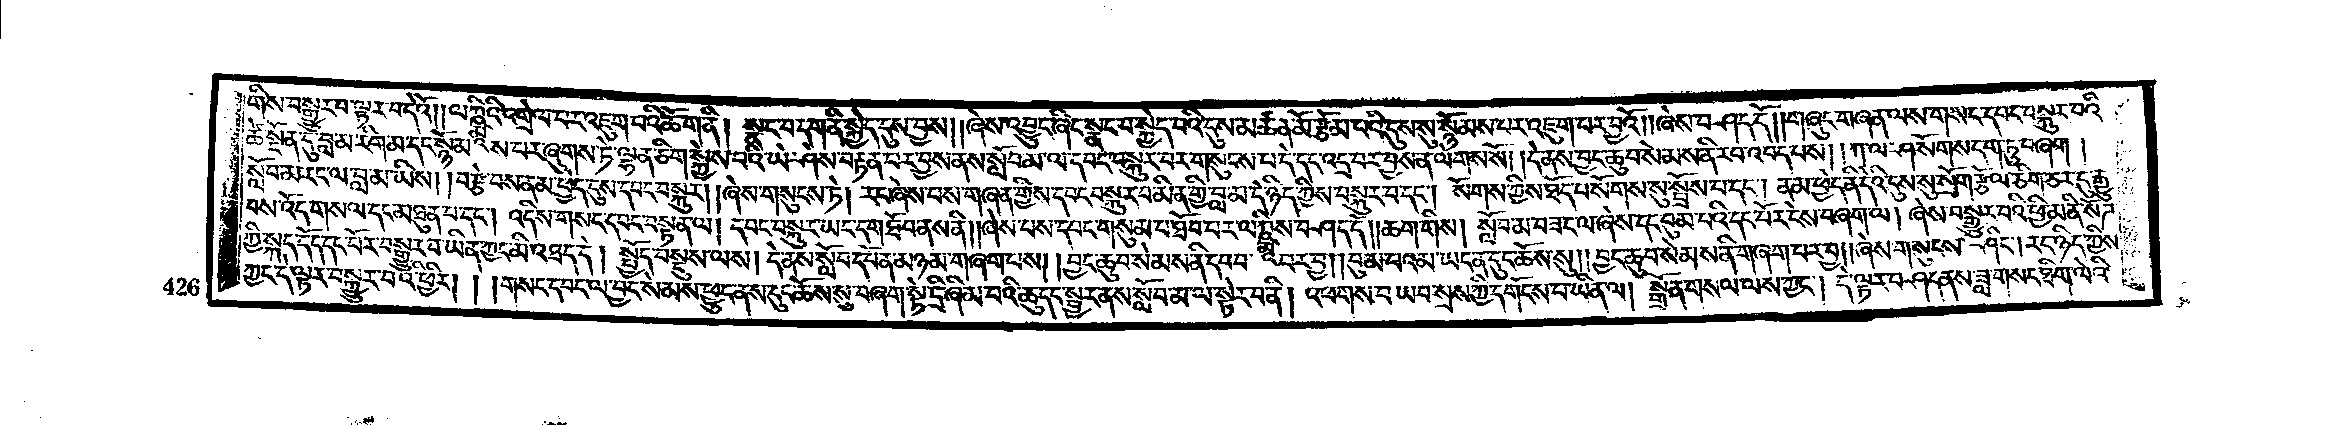གིས་བསྒྱུར་བ་ལྟར་བདེའོ། །ལཀྵྨཱིའི་འགྲེལ་པར་འཇུག་པའི་ཆོ་ག་ནི། སྣང་བ་དག་ནི་སྐྱེད་དུས་བྱས། །ཞེས་འབྱུང་ཞིང་སྣང་བ་སྐྱེད་པའི་དུས་མཚན་མོ་རྩོམ་པའི་དུས་སུ་སྙོམས་པར་འཇུག་པར་བྱའོ། །ཞེས་བཤད་དོ། །གཞུང་གཞན་ལས་གསང་དབང་བསྐུར་བའི་
ཚེ་སྔོན་དུ་བླ་མ་རིག་མ་དང་སྙོམས་པར་ཞུགས་ཏེ་ལྷན་ཅིག་སྐྱེས་པའི་ཡེ་ཤེས་བརྟན་པར་བྱས་ནས་སློབ་མ་ལ་དབང་བསྐུར་བར་གསུངས་པ་དེ་དང་འདྲ་བར་བྱས་ན་ལེགས་སོ། །དེ་ནས་བྱང་ཆུབ་སེམས་ནི་རབ་འབད་པས། །ཀ་ལ་ཤ་སོགས་དག་ཏུ་བཞག །
སློབ་མ་རང་ལ་བླ་མ་ཡིས། །བརྩེ་བས་ནམ་ཕྱེད་དུས་དབང་བསྐུར། །ཞེས་གསུངས་ཏེ། རང་ཞེས་པས་གཞན་གྱིས་དབང་བསྐུར་བ་མིན་གྱི་བླ་མ་དེ་ཉིད་ཀྱིས་བསྐུར་བ་དང་། སོགས་ཀྱིས་ཐོད་པ་སོགས་སུ་སྤྲོས་པ་དང་། ནམ་ཕྱེད་ནི་དེའི་དུས་སུ་སྲོག་རྩོལ་ཅིག་ཅར་དུ་རྒྱུ་
བས་འོད་གསལ་དང་མཐུན་པ་དང་། འདིས་གསང་དབང་བསྟན་ལ། དབང་བསྐུར་ཡང་དག་ཐོབ་ནས་ནི། །ཞེས་པས་དབང་གསུམ་པ་ཐོབ་པར་ལཀྵྨཱིས་བཤད་དོ། །ཆག་གིས། སློབ་མ་བཟང་ལ་ཞེས་དང་བུམ་པའི་དང་པོར་ངེས་བཞག་ལ། ཞེས་བསྒྱུར་པའི་ཕྱི་མ་ནི་སོགས་
ཀྱི་སྐད་དོད་དང་པོར་བསྒྱུར་བ་ཡིན་ཀྱང་མི་འཐད་དེ། སྤྱོད་བསྡུས་ལས། དེ་ནས་སློབ་དཔོན་མཉམ་གཞག་པས། །བྱང་ཆུབ་སེམས་ནི་དབབ་པར་བྱ། །བུམ་པའམ་ཡང་ན་དུང་ཆོས་སུ། །བྱང་ཆུབ་སེམས་ནི་གཞག་པར་བྱ། །ཞེས་གསུངས་ཤིང་། རང་ཉིད་ཀྱིས་
ཀྱང་དེ་ལྟར་བསྒྱུར་བའི་ཕྱིར། །གསང་དབང་ལ་བྱང་སེམས་ཕྱུང་ནས་དུང་ཆོས་སུ་བཞག་སྟེ་དྲི་ཞིམ་པའི་ཆུ་དང་སྦྱར་
གསལ་ལས་ཀྱང་། དེ་ལྟར་བཤད་ནས་ཟླ་གསང་ཐིག་ལེའི་